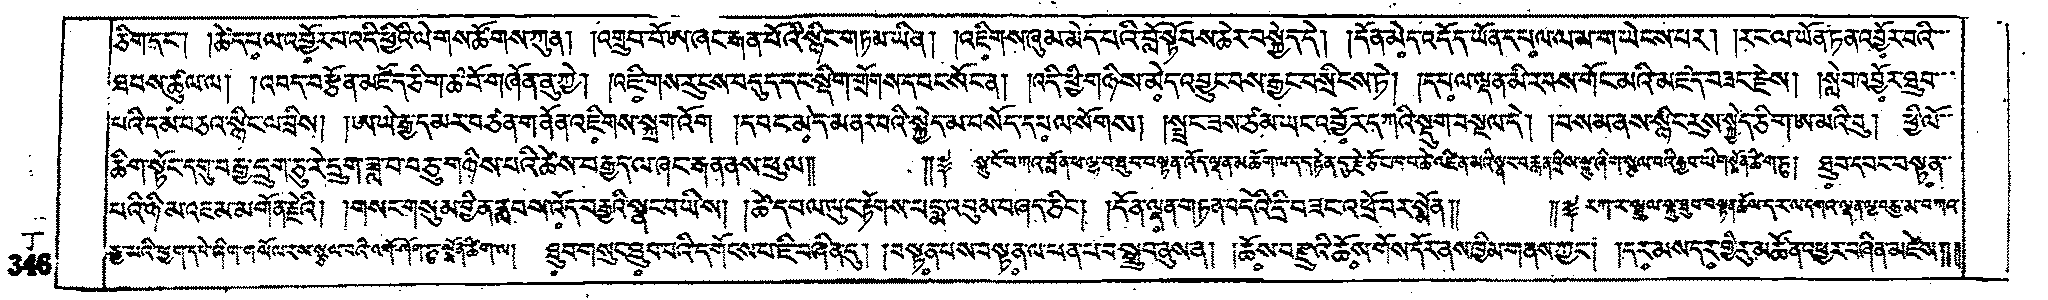ཅིག་དང་། །ཚེ་དཔལ྾་འབྱོར྾་པ་འདི་ཕྱིའི་ལེགས་ཚོགས་ཀུན། །འགྲུབ་བོ་ཨ་ཞང་རྒན་པོའི་སྙིང་གཏམ་ཡིན། །འཇིགས྾་ཞུམ་མེད་པའི་བློ་སྟོབས་ཆེར་བསྐྱེད་དེ། །དོན་མེད྾་འདོད་ཡོན་དཔལ྾་ལ་མ་གཡེངས་པར། །རང་ལ་ཡོན་ཏན་འབྱོར྾་བའི་་་
ཐབས་ཚུལ་ལ། །འབད་བརྩོན་མཛོད་ཅིག་ཚ་བོ་གཞོན་ནུ་ཀྱེ། །འཇིགས྾་རུངས་བདུད་དང་སྡིག་གྲོགས་དབང་སོང་ན། །འདི་ཕྱི་གཉིས་མེད྾་འབྱུང་བས་རྒྱང་བསྲིངས་ཏེ། །དཔལ྾་ལྡན་མི་རབས་གོང་མའི་མཛད་བཟང་རྗེས། །སླེབས་འབྱོར྾་ཐུབ་་་
པའི་དམ་བཅའ་སྙིང་ལ་བྲིས། །ཨ་ཡེ་རྒྱ་དམར་བཙན་གནོན་འཇིགས྾་སྐྲག་འོག །དབང་མེད྾་མནར་བའི་སྐྱེད་མ་བསོད་དཔལ྾་སོགས། །སྤྲང་ཟས་ཙམ་ཡང་འབྱོར྾་དཀའི་སྡུག་བསྔལ་དེ། །བསམ་ནས་སྙིང་རུས་སྐྱེད་ཅིག་ཨ་མའི་བུ། ཕྱི་ལོ་་་
ཆིག་སྟོང་དགུ་བརྒྱ་དྲུག་ཅུ་རེ་དྲུག་ཟླ་བ་བཅུ་གཉིས་པའི་ཚེས་བརྒྱད་ལ་ཞང་རྒན་ནས་ཕུལ།། །། འ་སྐུ་ངོ་བཀའ་བློན་ཕ་ལྷ་བ་ཐུབ་བསྟན་འོད་ལྡན་མཆོག་ལ་དད་རྟེན་དུ་རྗེ་ཙོང་ཁ་པ་ཚེ་འཛིན་མའི་སྣང་བརྙན་བྲིས་སྐུ་ཞིག་སྩལ་བའི་རྒྱབ་ཡིག་སྨོན་ཚིག་ཏུ།  ཐུབ྾་དབང་བསྟན྾་་་
པའི་ཉི་མ་འཇམ་མགོན་རྗེའི། །གསང་གསུམ་བྱིན་རླབས་འོད྾་བརྒྱའི་སྣང་བ་ཡིས། །ཚེ་དཔལ་ལུང་རྟོགས་པདམ་འབུམ་བཞད་ཅིང་། །དོན་ལྡན྾་གཏན་བདེའི་དྲི་བཟང་འཕྲོ་བར་སྨོན།། །། འ་རག་ར་སྤྲུལ་སྐུ་ཐུབ་བསྟན་ཆོས་དར་ལ་དགའ་ལྡན་ལྷ་བརྒྱ་མ་བཀའ་
རྒྱ་མའི་ཕྱག་དཔེ་ཞིག་གསོལ་རས་སྩལ་བའི་འགོ་ཤོག་ཏུ་སྨོན་ཚིག་ལ། ཐུབ྾་གསུང་ཐུབ྾་པའི་དགོངས་པ་ཇི་བཞིན་དུ། །བསྟན྾་པས་བསྟན྾་ལ་ཕན་པ་བསྒྲུབ་ནུས་ན། །ཆོས྾་བརྫུའི་ཆོས྾་གོས་དོར་ནས་ཁྱིམ་གནས་ཀྱང་། །དར྾་མས་དར྾་གྱི་རུ་མཚོན་འཕྱར་བཞིན་མཛེས།། །།